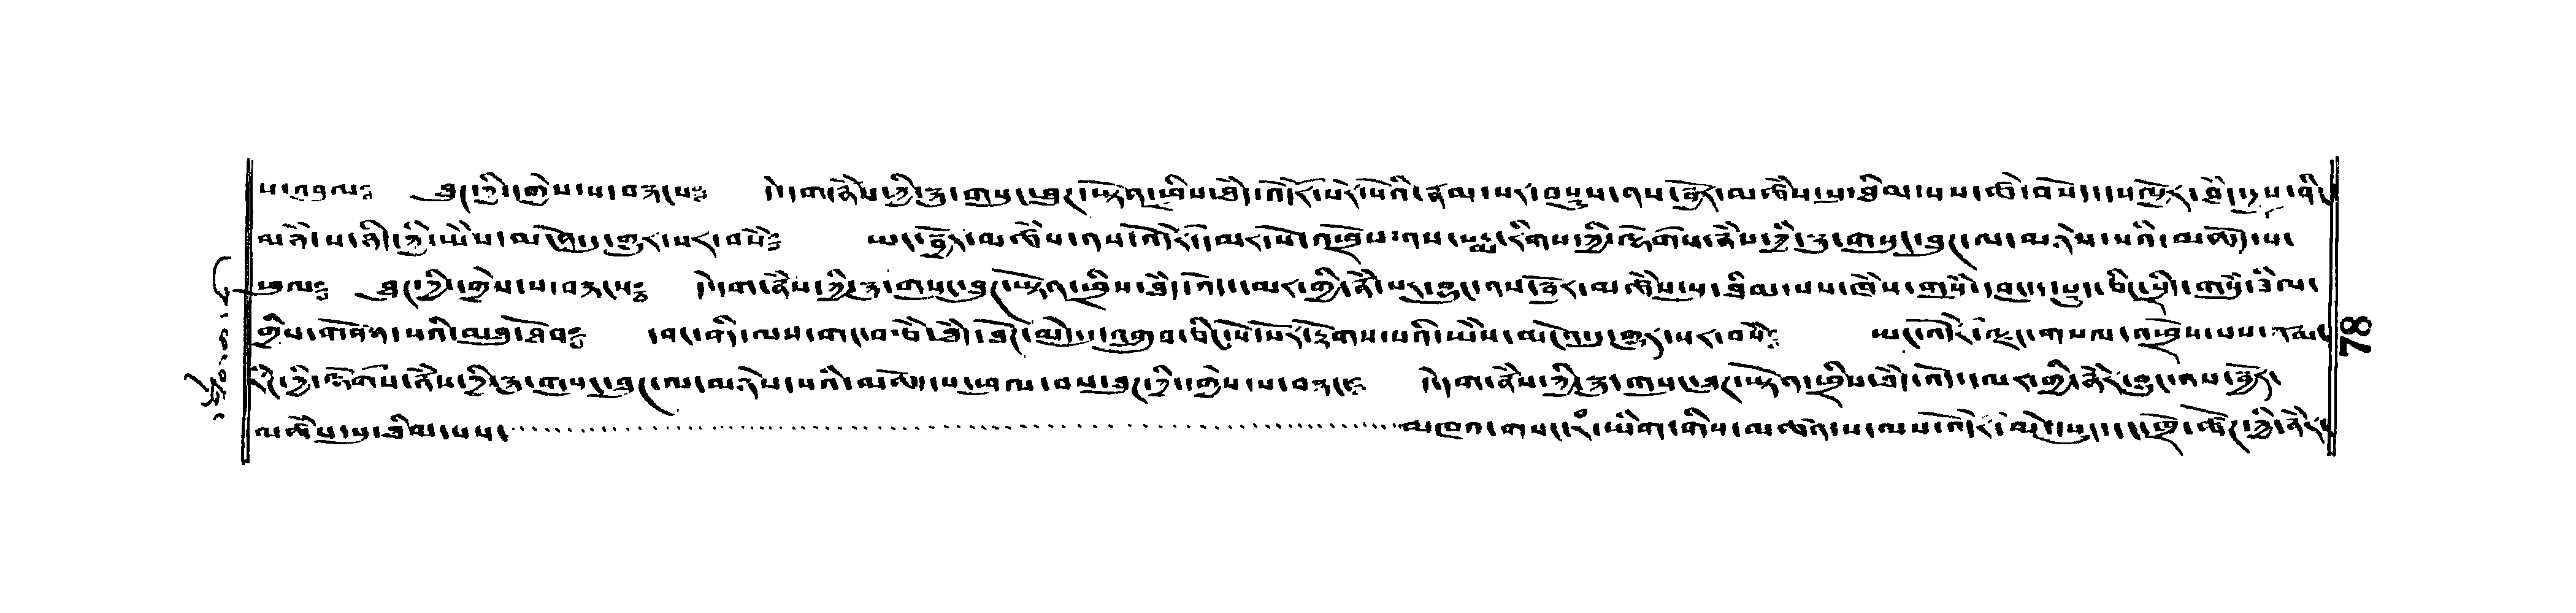པ་འབུལ༔ ཐུགས་ཀྱི་དགྱེས་པ་བསྐངས༔ དེ་དག་རྣམས་ཀྱི་སྐུ་གསུང་ཐུགས་ཡོན་ཏན་ཕྲིན་ལས་ཐམས་ཅད་འོད་ཟེར་སེར་པོའི་རྣམ་པར་བསྡུས་ནས་སྦྱོར་མཚམས་སུ་ཐིམ་པས་ཚེ་བསོད་དཔལ་འབྱོར་ཐམས་ཅད་རྒྱས་ཤིང་
མཉམ་པ་ཉིད་ཀྱི་ཡེ་ཤེས་མངོན་དུ་གྱུར་པར་བསམ༔ ཡང་སྦྱོར་མཚམས་ནས་འོད་ཟེར་དམར་པོ་འཕྲོས་ནས་པདྨ་རིགས་ཀྱི་ལྷ་ཚོགས་རྣམས་ཀྱི་སྐུ་གསུང་ཐུགས་ལ་མཉེས་པའི་མཆོད་པ་
ཕུལ༔ ཐུགས་ཀྱི་དགྱེས་པ་བསྐངས༔ དེ་དག་རྣམས་ཀྱི་སྐུ་གསུང་ཐུགས་ཡོན་ཏན་ཕྲིན་ལས་འོད་དམར་གྱི་རྣམ་པར་བྱུང་ནས་སྦྱོར་མཚམས་སུ་ཐིམ་པས་ཁམས་གསུམ་དབང་དུ་སྡུད་ཅིང་སྲིད་གསུམ་ཟིལ་
གྱིས་གནོན་པའི་མཐུ་ཐོབ༔ དབང་གི་ལས་གང་བརྩམས་ཐམས་ཅད་ཐོགས་མེད་དུ་འགྲུབ་ཅིང་སོ་སོར་རྟོགས་པའི་ཡེ་ཤེས་མངོན་དུ་གྱུར་པར་བསམ༔ཡང་འོད་ཟེར་ལྗང་གསལ་འཕྲོས་པས་ཀརྨ་
རིགས་ཀྱི་ལྷ་ཚོགས་རྣམས་ཀྱི་སྐུ་གསུང་ཐུགས་ལ་མཉེས་པའི་མཆོད་པ་ཕུལ་བས་ཐུགས་ཀྱི་དགྱེས་པ་བསྐངས༔ དེ་དག་རྣམས་ཀྱི་སྐུ་གསུང་ཐུགས་ཡོན་ཏན་ཕྲིན་ལས་ཐམས་ཅད་འོད་དམར་གྱི་རྣམ་པར་བྱུང་ནས་སྦྱོར་
མཚམས་སུ་ཐིམ་པས་མཁའ་གསང་རཾ་ཡིག་གིས་མཚན་པ་ལས་འོད་ཟེར་མེ་དཔུང་དང་ཁྲོ་ཚོགས་ཀྱི་རྣམ་པར་